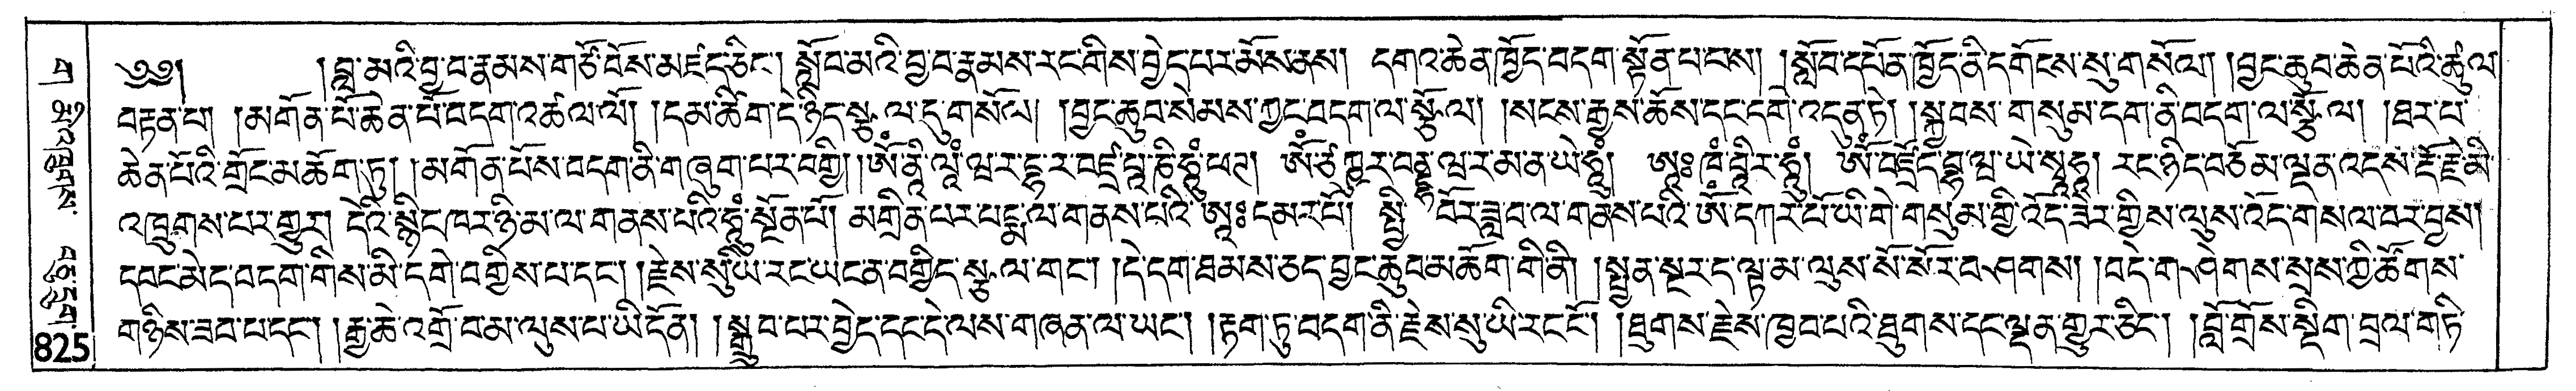༄༅། །བླ་མའི་བྱ་བ་རྣམས་གཙོ་བོས་མཛད་ཅིང་། སློབ་མའི་བྱ་བ་རྣམས་རང་གིས་བྱེད་པར་མོས་ནས། དགའ་ཆེན་ཁྱོད་བདག་སྟོན་པ་པས། །སློབ་དཔོན་ཁྱོད་ནི་དགོངས་སུ་གསོལ། །བྱང་ཆུབ་ཆེན་པོའི་ཚུལ་
བརྟན་པ། །མགོན་པོ་ཆེན་པོ་བདག་འཚལ་ལོ། །དམ་ཚིག་དེ་ཉིད་སྩལ་དུ་གསོལ། །བྱང་ཆུབ་སེམས་ཀྱང་བདག་ལ་སྩོལ། །སངས་རྒྱས་ཆོས་དང་དགེ་འདུན་ཏེ། །སྐྱབས་གསུམ་དག་ནི་བདག་ལ་སྩོལ། །ཐར་པ་
ཆེན་པོའི་གྲོང་མཆོག་ཏུ། །མགོན་པོས་བདག་ནི་གཞུག་པར་བགྱི། །ཨོཾ་ནཱི་ལཱཾ་ཝ་ར་དྷ་ར་བཛྲ་པཱ་ཎི་ཧཱུཾ་ཕཊ། ཨོཾ་ཙ་ཀྵུར་བནྡྷ་ཝ་ར་མ་ན་ཡེ་ཧཱུཾ། ཨཱཿ ཁཾ་བཱི་ར་ཧཱུཾ། ཨོཾ་བཛྲོད་བྷ་ཝ་ཡེ་སྭཱཧཱ། རང་ཉིད་བཅོམ་ལྡན་འདས་རྡོ་རྗེ་མི་
འཁྲུགས་པར་གྱུར། དེའི་སྙིང་ཁར་ཉི་མ་ལ་གནས་པའི་ཧཱུཾ་སྔོན་པོ། མགྲིན་པར་པདམ་ལ་གནས་པའི་ཨཱཿ དམར་པོ། སྤྱི་བོར་ཟླ་བ་ལ་གནས་པའི་ཨོཾ་དཀར་པོ་ཡི་གེ་གསུམ་གྱི་འོད་ཟེར་གྱིས་ལུས་འོད་གསལ་བར་བྱས།
དབང་མེད་བདག་གིས་མི་དགེ་བགྱིས་པ་དང་། །རྗེས་སུ་ཡི་རང་ཡང་ན་བགྱིད་སྩལ་གང་། །དེ་དག་ཐམས་ཅད་བྱང་ཆུབ་མཆོག་གི་ནི། །སྤྱན་སྔར་ད་ལྟ་མ་ལུས་སོ་སོར་བཤགས། །བདེ་གཤེགས་སྲས་ཀྱི་ཚོགས་
གཉིས་ཟབ་པ་དང་། །རྒྱ་ཆེ་འགྲོ་བ་མ་ལུས་པ་ཡི་དོན། །སྒྲུབ་པར་བྱེད་དང་དེ་ལས་གཞན་ལ་ཡང་། །རྟག་ཏུ་བདག་ནི་རྗེས་སུ་ཡི་རང་ངོ། །ཐུགས་རྗེས་ཁྱབ་པའི་ཐུགས་དང་ལྡན་གྱུར་ཅིང་། །བློ་གྲོས་སྡིག་བྲལ་གཏི་